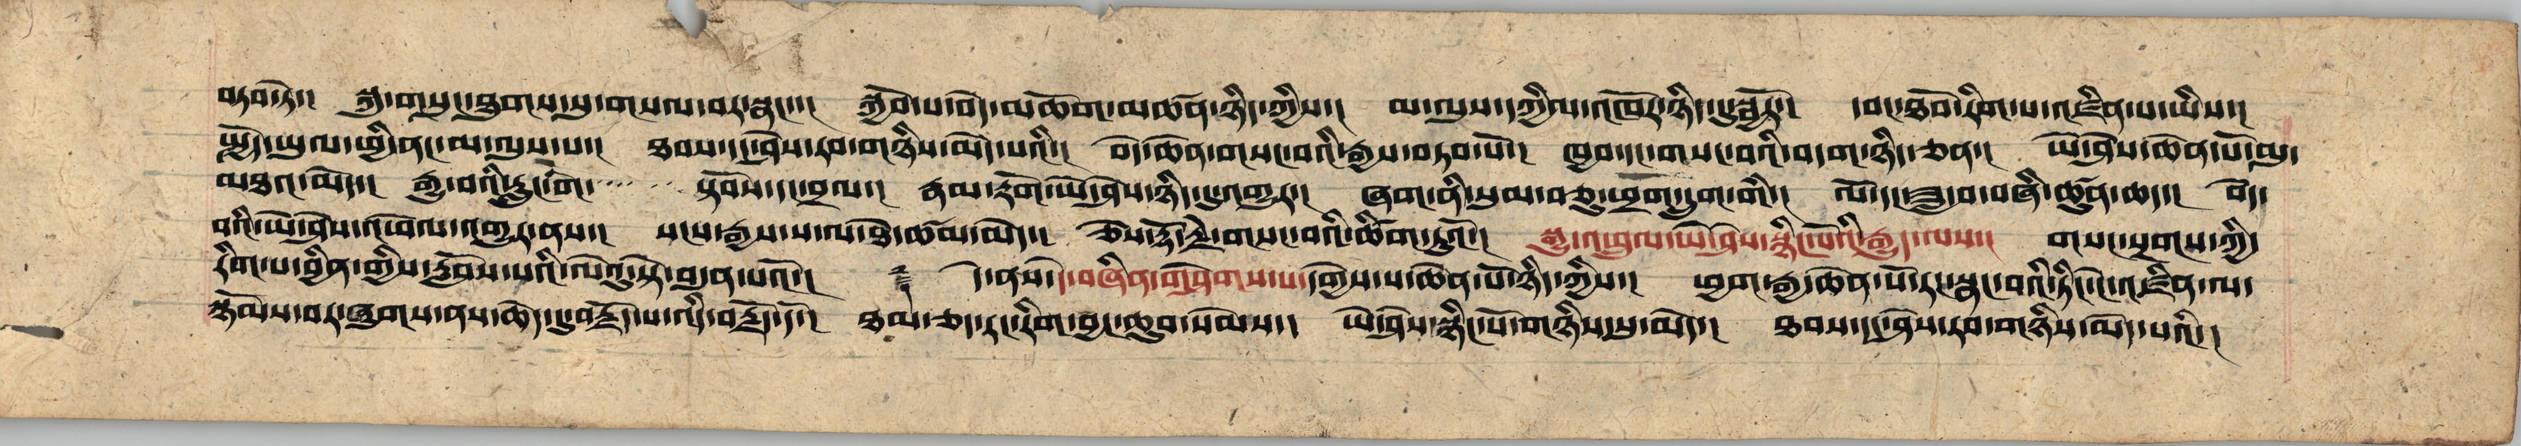བཏབ་ཏེ་། སྐུ་གསུང་ཐུགས་སུ་གསལ་བར་སྣང་་། སྐྱོབ་པ་བདེ་མཆོག་མཚན་ཉིད་ཀྱིས་། མ་ལུས་དཀྱིལ་འཁོར་ཉིད་དུ་སྦྱོར་། དབང་ཐོབ་རིག་པ་འཛིན་པ་ཡིས་།
སྤྱོད་ཡུལ་ཕྱི་ནང་མ་ལུས་པ་། ཐབས་དང་ཤེས་རབ་གཉིས་མེད་པའི་། བདེ་ཆེན་གསང་བའི་རྒྱས་བཏབ་པོ་། ཁྱབ་དང་གསང་བའི་བདག་ཉིད་ཅན་། ཡེ་ཤེས་ཆེན་པོ་མུ་
མཐའ་མེད་། རྒྱུ་བའི་རླུང་གི་་་་་ ་ ་ སྟོབས་དང་བྲལ་། རྣམ་རྟོག་ཡེ་ཤེས་ཉིད་དུ་འགྱུར་། ཞག་ནི་སུམ་བཅུ་ཕྲག་དྲུག་གི། ལོ་དང་ཟླ་བ་བཞི་ཚུན་ཆད་། བདེ་
བའི་ཡེ་ཤེས་འཕེལ་འགྱུར་ནས་། སངས་རྒྱས་ས་ལ་ཐེ་ཚོམ་མེད་། ཅེས་རྡོ་རྗེ་གསང་བའི་ཚིག་ཏུའོ་། སྒྱུ་འཕྲུལ་ཡེ་ཤེས་སྙིང་པོའི་རྒྱུད་ལས་། གསང་སྔགས་ཀྱི་
རིག་པ་བྱིན་གྱིས་རློབས་པའི་ལེའུ་སྟེ་བདུན་པའོ་། ࿑ དེ་ནས་དེ་བཞིན་གཤེགས་པ་དགྱེས་པ་ཆེན་པོ་ཉིད་ཀྱིས་། ཕྱག་རྒྱ་ཆེན་པོ་རང་སྣང་བའི་ཏིང་ངེ་འཛིན་ལ་
སྙོམས་བར་ཞུགས་ནས་ཆེད་དུ་བརྗོད་པ་འདི་བརྗོད་དོ་། ཐམ་ཅད་རང་རིག་བྱང་ཆུབ་སེམས་། ཡེ་ཤེས་སྙིང་པོ་གཉིས་སུ་མེད་། ཐབས་དང་ཤེས་རབ་གཉིས་མེད་པའི་།